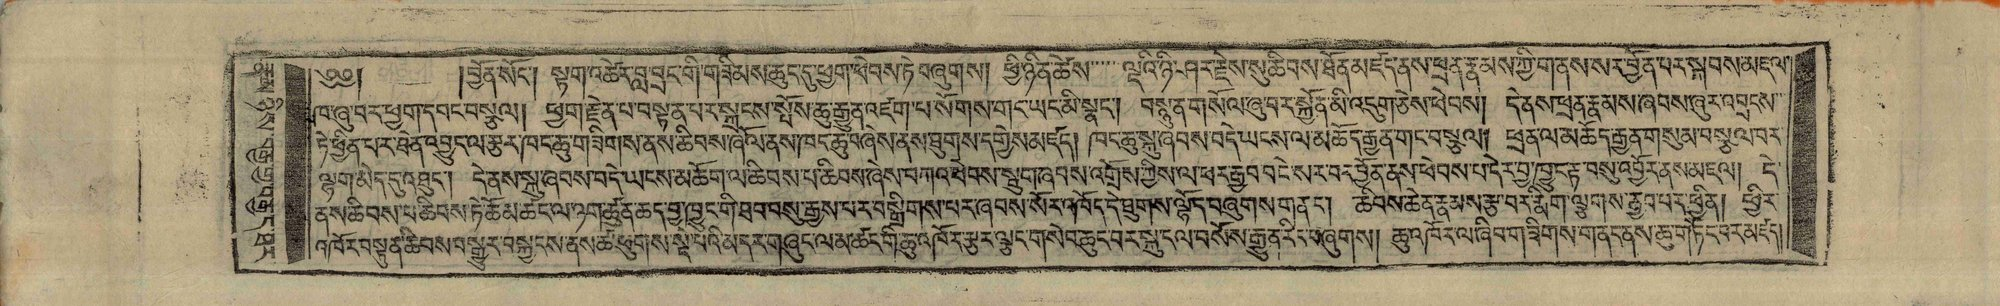༄༅། །བྱོན་སོང་། སྟག་འཚེར་བླ་བྲང་གི་གཟིམས་ཆུང་དུ་ཕྱག་ཕེབས་ཏེ་བཞུགས། ཕྱི་ཉིན་ཚེས་ལྔའི་ཉི་ཤར་རྗེས་སུ་ཆིབས་ཐོན་མཛད་ནས་ཕྲན་རྣམས་ཀྱི་གནས་སར་བྱོན་པར་སྐབས་མཇལ་
ཁ་ཞུ་བར་ཕྱག་དབང་བསྩལ། ཕྱག་རྗེན་པ་བསྟན་པར་སྐྲངས་སྤོས་ཆུ་རྒྱུན་འཛག་པ་སོགས་གང་ཡང་མི་སྣང་། བསྙུན་གསོལ་ཞུ་བར་སྐྱོན་མི་འདུག་ཅེས་ཕེབས། དེ་ནས་ཕྲན་རྣམས་ཞབས་ཞུར་འབྲངས་
ཏེ་ཕྱིན་པར་ཐེན་འབྱུང་ལ་རྩར་ཁང་ཆུ་གཟིགས་ནས་ཆིབས་ཞོལ་ནས་ཁང་ཆུ་བཞེས་ནས་ཐུགས་དགྱེས་མཛད། ཁང་ཆུ་སྐུ་ཞབས་བདེ་ཡངས་ལ་མཆོད་རྒྱན་གང་བསྩལ། ཕྲན་ལ་མཆོད་རྒྱན་གསུམ་བསྩལ་བར་
ལྷག་མེད་དུ་འཐུང་། དེ་ནས་སྐུ་ཞབས་བདེ་ཡངས་མཆོག་ལ་ཆིབས་པ་ཆིབས་ཞེས་བཀའ་ཕེབས་སྦུག་ཞབས་འགྲོས་ཀྱིས་ལ་ཕར་རྒྱབ་བདེ་སར་བར་བྱོན་ནས་ཕེབས་པ་དེར་བྱ་ཁྱུང་རྟ་བསུ་འབྱོར་ནས་མཇལ། དེ་
ནས་ཆིབས་པ་ཆིབས་ཏེ་ཆོམ་ཚང་ལ་ཉག་ཚུན་ཆད་བྱ་ཁྱུང་གི་ཐབ་བསུ་རྒྱས་པར་བསྒྲིགས་པར་ཞབས་སོར་འཁོད་དེ་ཐུགས་ལྷོད་བཞུགས་གནང་། ཆིབས་ཆེན་རྣམས་རྩ་བར་རྨིག་ལྕགས་རྒྱབ་པར་ཕྱིན། ཕྱིར་
འཁོར་བསྟུན་ཆིབས་བསྒྱུར་བསྐྱངས་ནས་ཚ་ཕུགས་སྡེ་པའི་མདར་གཞུང་ལམ་ཚང་གི་ཆུ་འཁོར་རྩར་ལྕང་གསེབ་ཆུང་བར་སྐུ་ངལ་བསོས་རྒྱུན་རིང་བཞུགས། ཆུ་འཁོར་ལ་ཞིབ་གཟིགས་གནང་ནས་ཆུ་གཏོང་བར་མཛད།